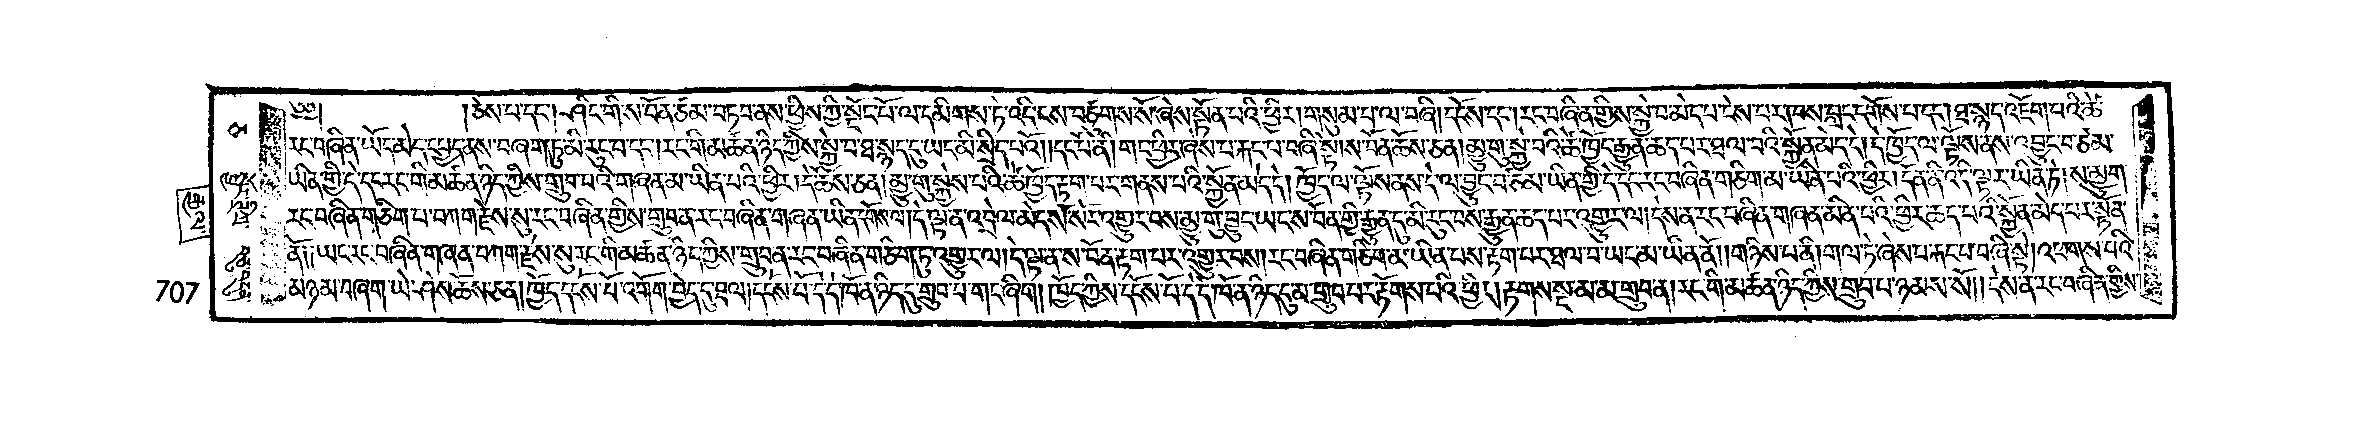༄༅། །ཅེས་པ་དང་། ཤིང་གི་ས་བོན་ཙམ་བཏབ་ནས་ཕྱིས་ཀྱི་སྡོང་པོ་ལ་དམིགས་ཏེ་འདི་ངས་བཙུགས་སོ་ཞེས་སྟོན་པའི་ཕྱིར། གསུམ་པ་ལ་བཞི། དངོས་དང་། རང་བཞིན་གྱིས་སྐྱེ་བ་མེད་པ་ངེས་པར་ཁས་བླང་དགོས་པ་དང་། ཐ་སྙད་འཇོག་པའི་ཚེ་
རང་བཞིན་ཡོད་མེད་དཔྱད་ནས་བཞག་ཏུ་མི་རུང་བ་དང་། རང་གི་མཚན་ཉིད་ཀྱིས་སྐྱེ་བ་ཐ་སྙད་དུ་ཡང་མི་སྲིད་པའོ། །དང་པོ་ནི། གང་ཕྱིར་ཞེས་པ་རྐང་པ་བཞི་སྟེ། ས་བོན་ཆོས་ཅན། མྱུ་གུ་སྐྱེ་བའི་ཚེ་ཁྱོད་རྒྱུན་ཆད་པར་ཐལ་བའི་སྐྱོན་མེད་དེ། དེ་ཁྱོད་ལ་ལྟོས་ནས་འབྱུང་བ་ཙམ་
ཡིན་གྱི་དེ་དང་རང་གི་མཚན་ཉིད་ཀྱིས་གྲུབ་པའི་གཞན་མ་ཡིན་པའི་ཕྱིར། དེ་ཆོས་ཅན། མྱུ་གུ་སྐྱེས་པའི་ཚེ་ཁྱོད་རྟག་པར་གནས་པའི་སྐྱོན་མེད་དེ། ཁྱོད་ལ་ལྟོས་ནས་དེ་ལ་བྱུང་བ་ཙམ་ཡིན་གྱི་དེ་དང་རང་བཞིན་གཅིག་མ་ཡིན་པའི་ཕྱིར། དོན་ནི་འདི་ལྟར་ཡིན་ཏེ། ས་མྱུག་
རང་བཞིན་གཅིག་པ་བཀག་རྗེས་སུ་རང་བཞིན་གྱིས་གྲུབ་ན་རང་བཞིན་གཞན་ཡིན་དགོས་ལ། དེ་ལྟ་ན་འབྲེལ་མེད་སོ་སོར་འགྱུར་བས་མྱུ་གུ་བྱུང་ཡང་ས་བོན་གྱི་རྒྱུན་དུ་མི་རུང་བས་རྒྱུན་ཆད་པར་འགྱུར་ལ། དེས་ན་རང་བཞིན་གཞན་མིན་པའི་ཕྱིར་ཆད་པའི་སྐྱོན་མེད་པར་སྟོན་
ནོ༑ ༑ཡང་རང་བཞིན་གཞན་བཀག་རྗེས་སུ་རང་གི་མཚན་ཉིད་ཀྱིས་གྲུབ་ན་རང་བཞིན་གཅིག་ཏུ་འགྱུར་ལ། དེ་ལྟ་ན་ས་བོན་རྟག་པར་འགྱུར་བས། རང་བཞིན་གཅིག་མ་ཡིན་པས་རྟག་པར་ཐལ་བ་ཡང་མ་ཡིན་ནོ། །གཉིས་པ་ནི། གལ་ཏེ་ཞེས་པ་རྐང་པ་བཞི་སྟེ། འཕགས་པའི་
མཉམ་བཞག་ཡེ་ཤེས་ཆོས་ཅན། ཁྱོད་དངོས་པོ་འགོག་བྱེད་དུ་ཐལ། དངོས་པོ་དེ་དེ་ཁོ་ན་ཉིད་དུ་གྲུབ་པ་གང་ཞིག། ཁྱོད་ཀྱིས་དངོས་པོ་དེ་དེ་ཁོ་ན་ཉིད་དུ་མ་གྲུབ་པར་རྟོགས་པའི་ཕྱིར། རྟགས་སྔ་མ་མ་གྲུབ་ན། རང་གི་མཚན་ཉིད་ཀྱིས་གྲུབ་པ་ཉམས་སོ། །དེས་ན་རང་བཞིན་གྱིས་